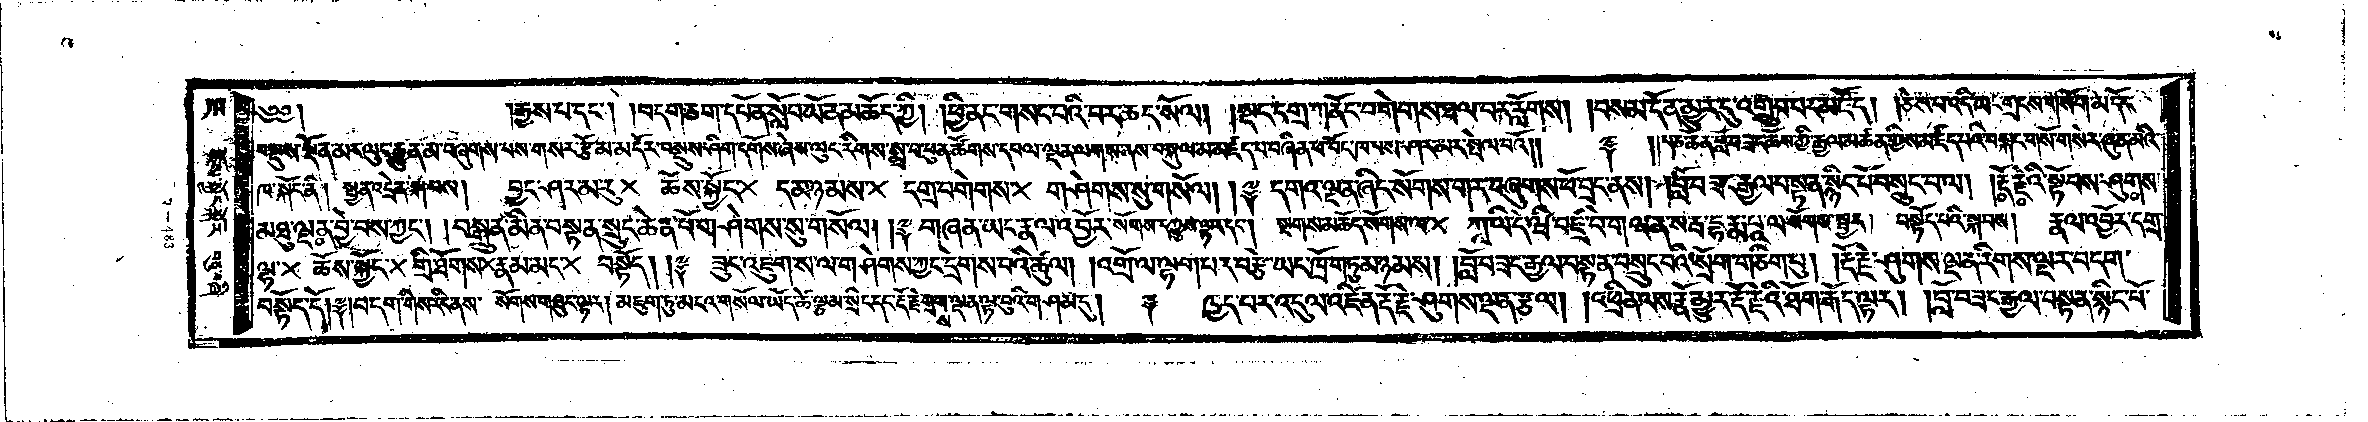༄༅། །རྒྱས་པ་དང་། །བདག་ཅག་དཔོན་སློབ་ཡོན་མཆོད་ཀྱི། །ཕྱི་ནང་གསང་བའི་བར་ཆད་སོལ། །སྡང་དགྲ་གནོད་བགེགས་ཐལ་བར་རློགས། །བསམ་དོན་མྱུར་དུ་འགྲུབ་པར་མཛོད། །ཅེས་པ་འདི་ཡང་གྲངས་གསོག་མདོར་
བསྒྲུས་སྔོན་མར་ལུང་རྒྱུན་མ་བཞུགས་པས་གསར་རྩོམ་མདོར་བསྡུས་ཤིག་དགོས་ཞེས་ལུང་རིགས་སྨྲ་བ་ཕུན་ཚོགས་དཔལ་ལྡན་ལགས་ནས་བསྐུལ་མ་མཛད་པ་བཞིན་ཕ་བོང་ཁ་པས་ཤར་མར་སྤེལ་བའོ།། ༈ །།པཎ་ཆེན་བློ་བཟང་ཆོས་ཀྱི་རྒྱལ་མཚན་གྱིས་མཛད་བའི་བསྐང་གསོ་གསེར་ཞུན་མའི་
ཁ་སྐོང་ནི། སྦྱན་འདྲེན་སྐབས། བྱང་ཤར་མ་རུ་྾་ཆོས་སྐྱོང་྾་དམ་ཉམས་྾་དགྲ་བགེགས་྾་གཤེགས་སུ་གསོལ། །༈ དགའ་ལྡན་ཞིང་སོགས་གར་བཞུགས་ཕོ་བྲང་ནས། །བླ་བཟང་རྒྱལ་བསྟན་སྙིང་པོ་བསྲུང་བ་ལ། །རྡོ྾་རྗེའི྾་སྟོབས་ཤུགས྾་
མཐུ་ལྡན྾་བྱེ་བས་ཀྱང་། །བསྒྲུན་མིན་བསྟན་སྲུང་ཆེན་པོ་གཤེགས་སུ་གསོལ། །༈ གཞན་ཡང་རྣལ་འབྱོར་སོགས་དཀྱུས་ལྟར་དང་། སྔགས་མཆོད་སོགས་ལ་྾་ཀཱ་ལི་དེ་ཝི་བཛྲ་བེ་ག་ཝ་ན་སརྦ་དྷརྨ་པཱ་ལ་སོགས་སྦྱར། བསྟོད་པའི་སྐབས།  རྣལ་འབྱོར་དང་
ལྷ་྾་ཆོས་སྐྱོང་྾་གྲི་ཐོགས་྾་རྣམ་མང་྾་བསྟོད། །༈ ཟུང་འཇུག་ས་ལ་གཤེགས་ཀྱང་དྲེགས་བའི་ཚུལ། །འགྲོ་ལ་ལྷག་པར་བརྩེ་ཡང་ཁྲོག་ཏུ་མ་ཉམས། །བློ་བཟང་རྒྱལ་བསྟན་བསྲུང་བའི་སྲོག་གཅིག་པུ། །རྡོ་རྗེ་ཤུགས་ལྡན་རིགས་ལྔར་བདག་
བསྟོད་དོ། ༈ །བདག་གིས་རིང་ནས་སོགས་གཞུང་ལྟར། མཇུག་ཏུ་མདའ་གསོལ་ཡོད་ཚེ་ལྕམ་སྲིང་དང་རྡོ་རྗེ་གྲགས་ལྡན་ལྟ་བུའི་གཤམ་དུ།  ༈ ཁྱད་པར་འདུལ་འཛིན་རྡོ་རྗེ་ཤུགས་ལྡན་རྩལ། །འཕྲིན་ལས་རྣོ་མྱུར་རྡོ་རྗེའི་ཐོག་རྒོད་ལྟར། །བློ་བཟང་རྒྱལ་བསྟན་སྙིང་པོ་